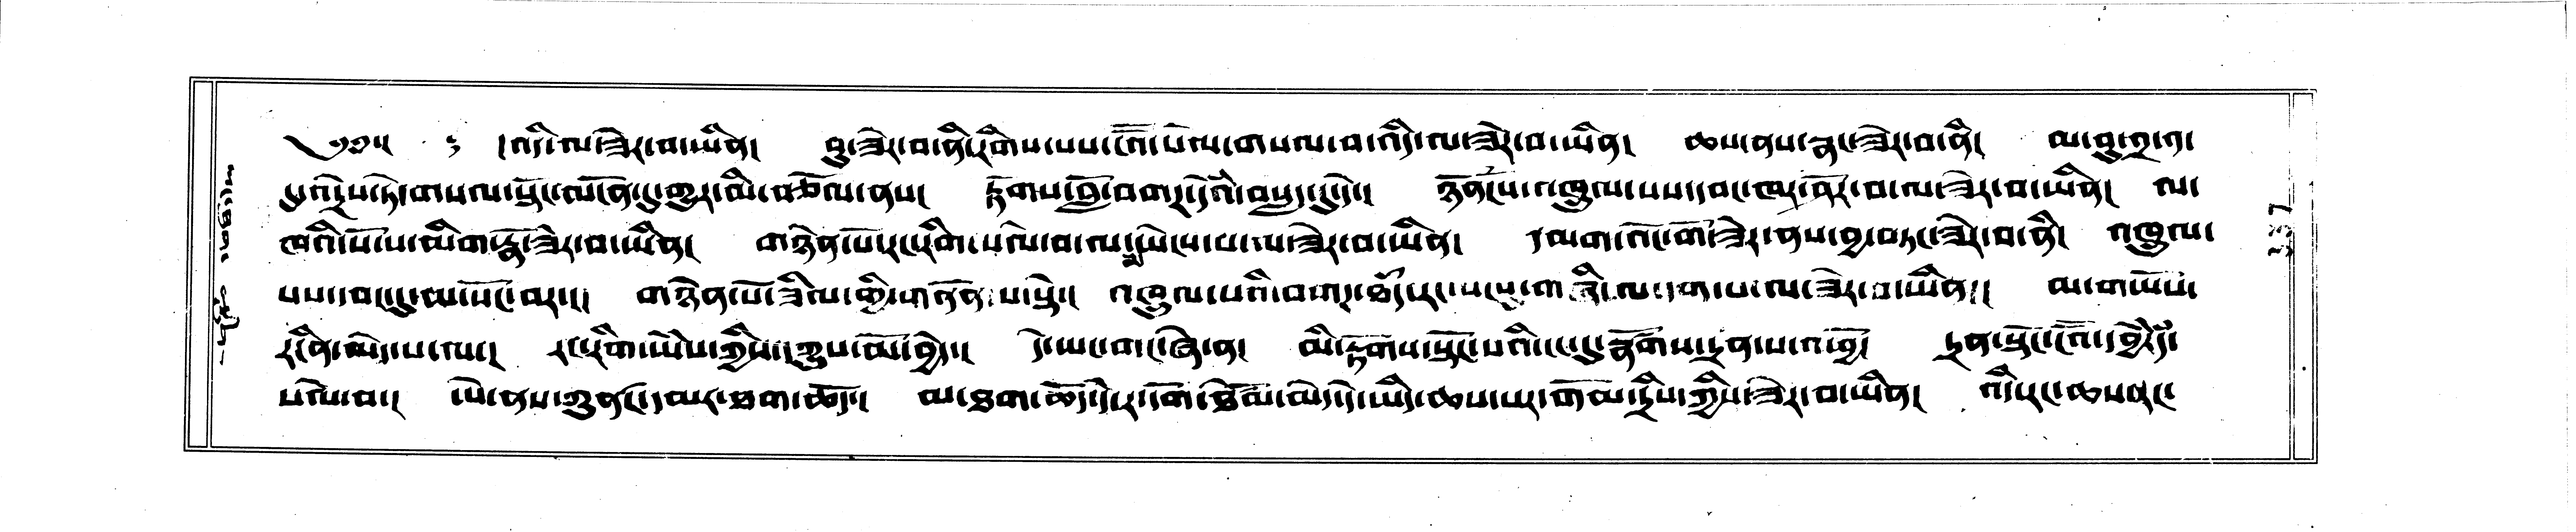འདི་ལ་ཟེར་བ་ཡིན། བུ་ཟེར་བ་ནི་རིག་པའི་ངོའོ་སལེ་བ་འདི་ལ་ཟེར་བ་ཡིན། ཆས་ནས་སྣང་ཟེར་བ་ནི་ མ་བུ་གཉིས་ཅིག་
དུ་འདྲེས་ཏེ་གསལ་སྟོང་མངོན་གྱུར་མི་བཅོལ་ནས། རྟོག་བློ་བག་ཆགས་བློ་དེའི་༼དེས༽བསླད་དེ། ཉོན་མོངས་འཁྲུལ་པའི་དབང་ཁར་ཤོར་བ་ལ་ཟེར་བ་ཡིན། ལ་
ཀའི་སོ་པ་མིག་རྣོན་ཟེར་བ་ནི། གཉེན་པོ་རང་རིག་སལེ་མ་ཡེངས་པ་ལ་ཟེར་བ་ཡིན། དམག་འོང་ངོ་ཟེར་ནས་བྱ་བཏང་རན་ཟེར་བ་ནི། འཁྲུལ་
པའི་དབང་དུ་མ་སོར་བར་གཉེན་པོ་ཡི་༼ཡིས༽ཟིལ་གྱི་གནོན་ཏེ། འཁྲུལ་པའི་བག་ཆགས་ཐམས་ཅད་རང་སངས་སུ་གཞི་ལ་དག་པ་ལ་ཟེར་བ་ཡིན། མ་གཡོས་
རང་བཞིན་མེད་པ་ལ། རང་རིག་ཡེ་ཤེས་ཀྱིས་ཀྱུས་མོ་བྱེད། དེ་ཡང་གང་ཞེ་ན། མི་རྟོག་སྟོང་པའི་ངང་དུ་དྲན་པ་སྣ་ཚོགས་འཕྲོ། དྲན་སྟོང་ངོའོ་དབྱེར་མེད་
སལེ་བ། ཡེ་གནས་ཀྱིས་ཀུན་བཟང་ཡིན་པར་དམར་ཐག་ཆོད། དམར་ཐག་ཆོད་ཟེར་བ་ཡང་ཐེ་ཚོམ་མེད་དེ། ཡིད་ཆེས་པས་གོམ་འདྲིས་ཀྱིས་ཟེར་བ་ཡིན། འདི་རང་